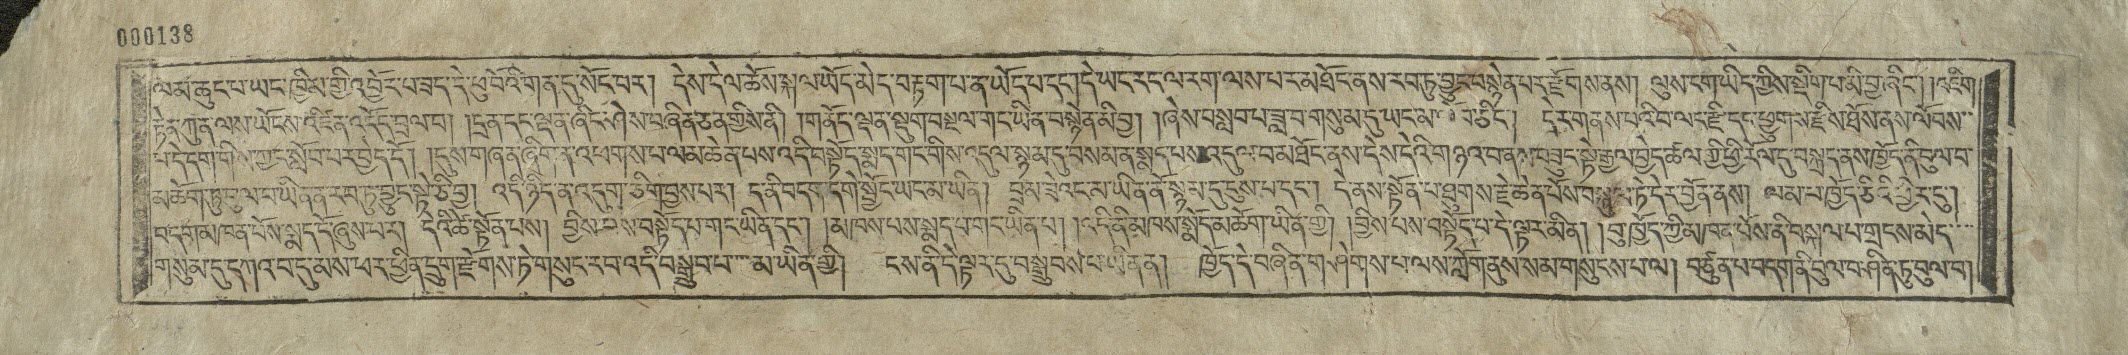ལམ་ཆུང་བ་?་ཡང་ཁྱིམ་གྱི་འབྱོར་པ་ཟད་དེ་ཕུ་བོའི་གན་དུ་སོང་བར། དེས་དེ་ལ་ཆོས་སྐལ་ཡོད་མེད་བརྟག་པ་ན་ཡོད་པ་དང་། དེ་ཡང་རང་ལ་རག་ལས་པར་མཐོང་ནས་རབ་ཏུ་བྱུང་བསྙེན་པར་རྫོགས་ནས། ལུས་ངག་ཡིད་ཀྱིས་སྡིག་པ་མི་བྱ་ཞིང་། །འཇིག་
རྟེན་ཀུན་ལས་ཡོངས་འཛིན་འདོད་བྲལ་བ། །དྲན་དང་ལྡན་ཞིང་ཤེས་བཞིན་ཅན་གྱིས་ནི། །གནོད་ལྡན་སྡུག་བསྔལ་གང་ཡིན་བསྙེན་མི་བྱ། །ཞེས་བསླབ་པ་ཟླ་བ་གསུམ་དུ་ཡང་མ་ལོབ་ཅིང་། དེར་གནས་པའི་བ་ལང་རྫི་དང་ཕྱུགས་རྫིས་ཐོས་ནས་ལོབས་
པ་དེ་དག་གིས་ཀྱང་སློབ་པར་བྱེད་དོ། །དུས་གཞན་ཞིག་ན་འཕགས་པ་ལམ་ཆེན་པས་འདི་བསྟོད་སྨད་གང་གིས་འདུལ་སྙམ་དུ་བསམ་ན་སྨད་པས་འདུལ་བ་མཐོང་ནས་དེས་དེའི་གཉའ་བ་ནས་བཟུང་སྟེ་རྒྱལ་བྱེད་ཚལ་གྱི་ཕྱི་རོལ་དུ་བསྐྲད་ནས་ཁྱོད་ནི་བུལ་བ་
མཆོག་ཏུ་བུལ་བ་ཡིན་ན་རབ་ཏུ་བྱུང་སྟེ་ཅི་བྱ། འདི་ཉིད་ན་འདུག་ཅིག་བྱས་པར། ད་ནི་བདག་དགེ་སྦྱོང་ཡང་མ་ཡིན། བྲམ་ཟེའང་མ་ཡིན་ནོ་སྙམ་དུ་ངུས་པ་དང་། དེ་ནས་སྟོན་པ་ཐུགས་རྗེ་ཆེན་པོས་བསྐུལ་ཏེ་དེར་བྱོན་ནས། ལམ་པ་ཁྱོད་ཅིའི་ཕྱིར་དུ།
བདག་མཁན་པོས་སྨད་དོ་ཞུས་པར། དེའི་ཚེ་སྟོན་པས། བྱིས་པས་བསྟོད་པ་གང་ཡིན་དང་། །མཁས་པས་སྨད་པ་གང་ཡིན་པ། །འདི་ནི་མཁས་སྨོད་མཆོག་ཡིན་གྱི། །བྱིས་པས་བསྟོད་པ་དེ་ལྟར་མིན། །བུ་ཁྱོད་ཀྱི་མཁན་པོས་ནི་བསྐལ་པ་གྲངས་མེད་
གསུམ་དུ་དཀའ་བ་དུ་མས་ཕར་ཕྱིན་དྲུག་རྫོགས་ཏེ་གསུང་རབ་འདི་བསྒྲུབ་པ་མ་ཡིན་གྱི། ངས་ནི་དེ་ལྟར་དུ་བསྒྲུབས་པ་ཡིན་ན། ཁྱོད་དེ་བཞིན་གཤེགས་པ་ལས་ཀློག་ནུས་སམ་གསུངས་པ་ལ། བཙུན་པ་བདག་ནི་བུལ་བ་ཤིན་ཏུ་བུལ་བ།